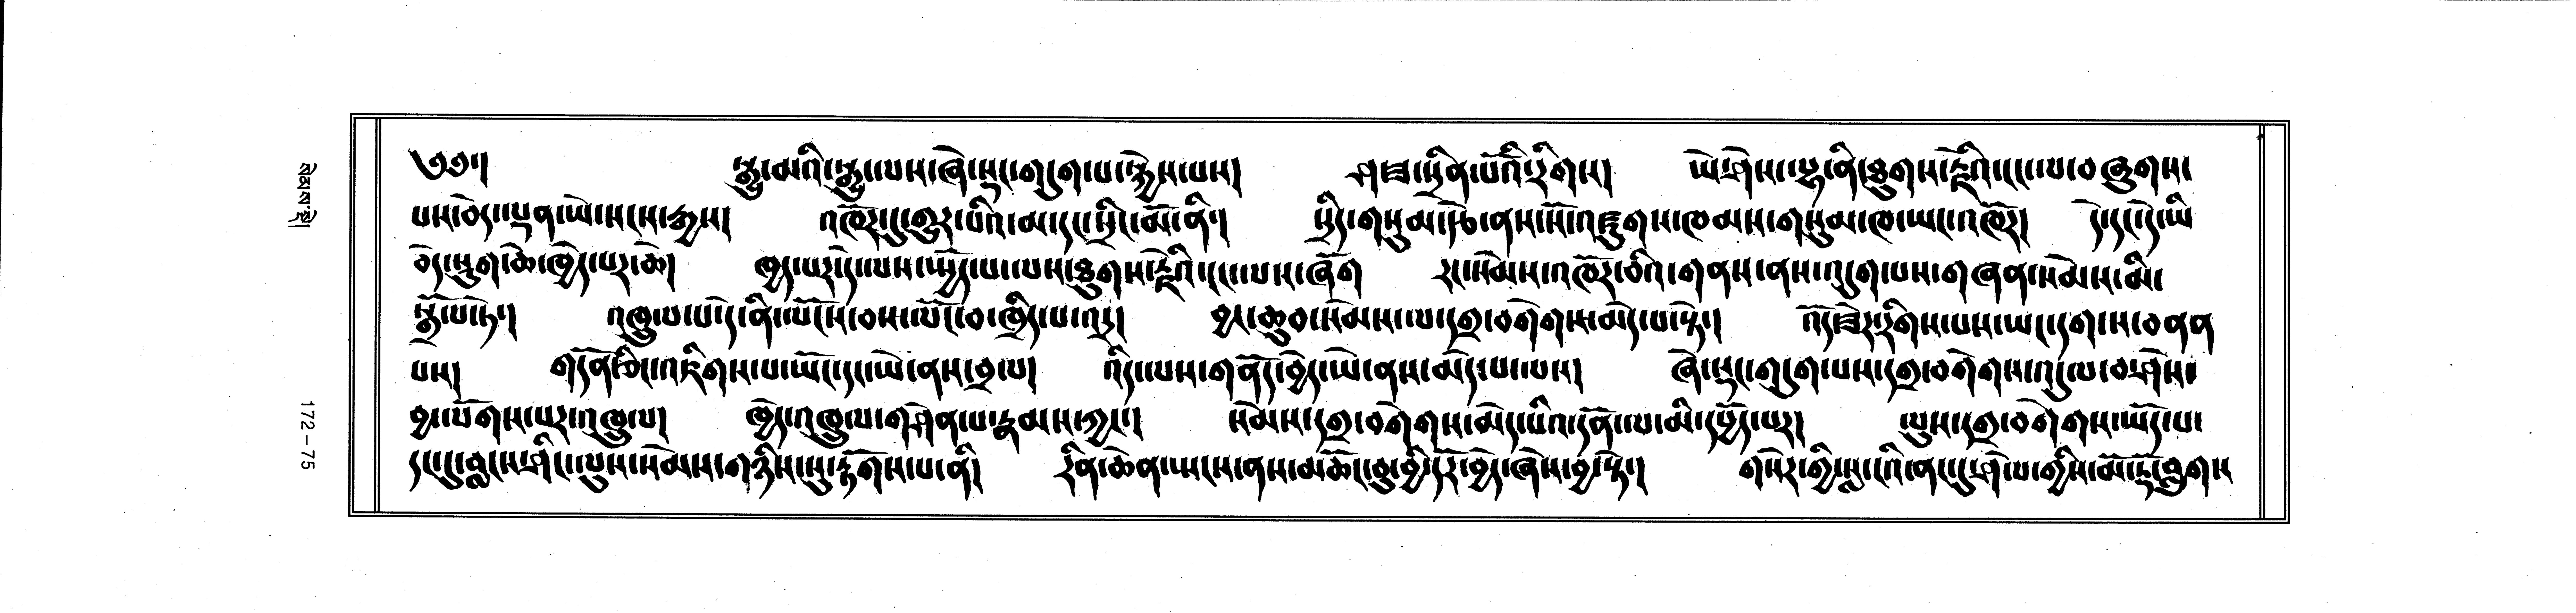སྒྱུ་མའི་སྒྱུ་ལས་ཞེ་སྡང་གདུག་པ་སྐྱེས་པས། ཤ་ཟ་སྲིན་པོའི་རིགས། ཡེ་ཤེས་ལྷ་ནི་ཐུགས་རྗེའི་ངང་ལ་བཞུགས་པས་
བདེ་ལྡན་ཡེ་སངས་རྒྱས། འཁོར་དུ་གྱུར་པའི་མ་དང་སྲིང་མོ་ནི། སྲིད་གསུམ་རྩེ་ནས་སོ་འཛུགས་ཁམས་གསུམ་ཁ་ཡང་འཁོར། དེ་དང་དེ་ཡི་
བདེ་སྡུག་ཁྱེད་པར་ཆེ། ཁྱད་པར་དེ་ལས་སྤྱོད་པ་ལས་ཐུགས་རྗེའི་ངང་ལས་ཞོག རང་སེམས་འཁོར་བའི་གནས་ནས་འདུག་པས་གཞན་སེམས་མི་
སྒྲོལ་ཏེ། འཁྲུལ་པ་དེ་ནི་ལོངས་བས་ལོང་བ་ཁྲིད་པ་འདྲ། བྱང་ཆུབ་སེམས་ལ་དགྲ་བགེགས་མེད་པ་སྟེ། འོད་ཟེར་རིགས་པས་ཡང་དག་ས་བནན་
པས། གདོན་ཅིང་འཇིགས་པ་ཡོང་དང་ཡེ་ནས་བྲལ། འདི་ལས་གནོད་བྱེད་ཡེ་ནས་མེད་པ་ལས། ཞེ་སྡང་གདུག་པས་དགྲ་བགེགས་འདུལ་བ་ཤེས་
བྱ་ལོགས་པར་འཁྲུལ། ཁྱེད་འཁྲུལ་གཤེན་པ་རྣམས་ཀྱང་། སེམས་དགྲ་བགེགས་མེད་པའི་དོན་ལ་མི་དཔྱོད་པར། ལུས་དགྲ་བགེགས་ཡོད་པ་
དང་དུ་བླངས་ཤིང་ལུས་སེམས་གཉིས་སུ་རྟོགས་པ་ནི། རིན་ཆེན་སྤངས་ནས་མཆོང་བུ་བྱི་དོར་བྱེད་ཞེས་བྱ་སྟེ། གསེར་གྱི་སླ་ངའི་ནང་དུ་ཤེལ་གྱིས་མོ་རྡོ་བླུགས་